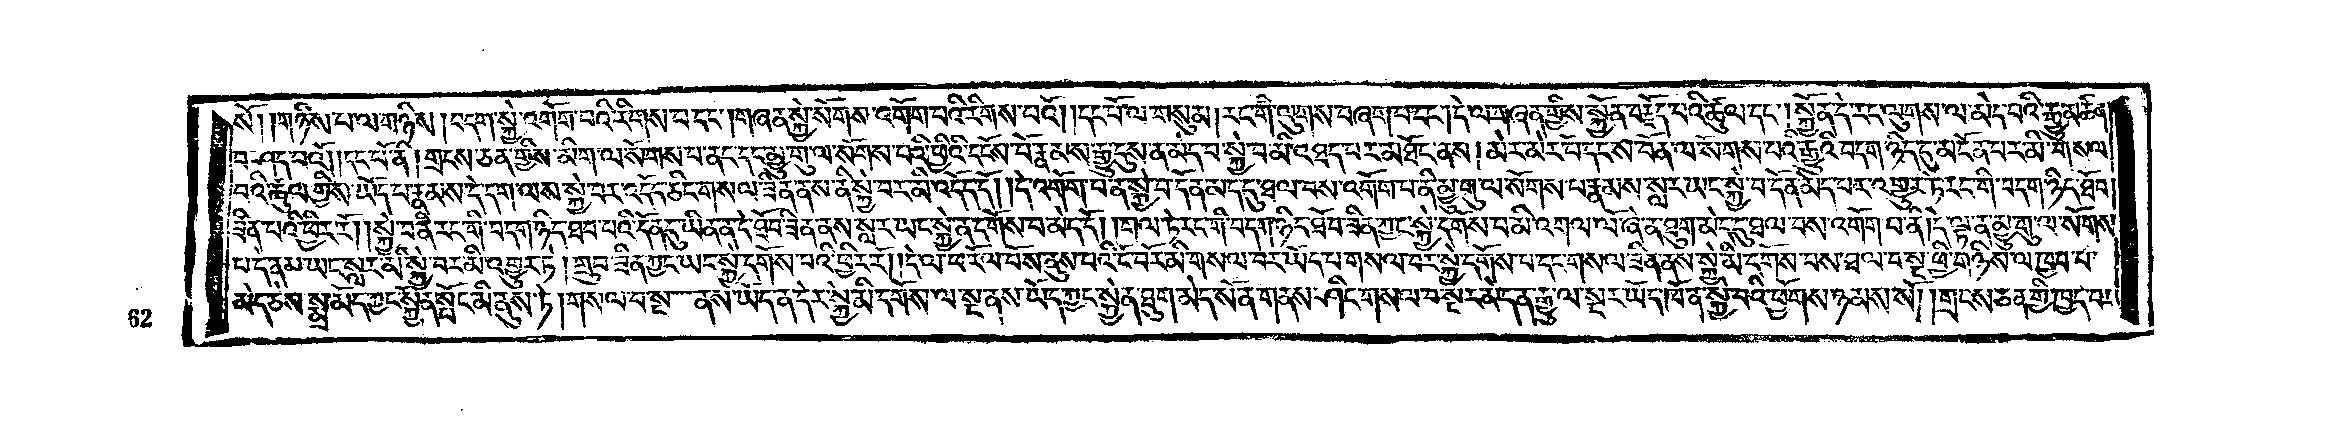སོ། །གཉིས་པ་ལ་གཉིས། བདག་སྐྱེ་འགོག་པའི་རིགས་བ་དང་། གཞན་སྐྱེ་སོགས་འགོག་པའི་རིགས་པའོ། །དང་པོ་ལ་གསུམ། རང་གི་ལུགས་བཞག་པ་དང་། དེ་ལ་གཞན་གྱིས་སྐྱོན་བརྗོད་པའི་ཚུལ་དང་། སྐྱོན་དེ་རང་ལུགས་ལ་མེད་པའི་རྒྱུ་མཚན་
བཤད་པའོ། །དང་པོ་ནི། གྲངས་ཅན་གྱིས་མིག་ལ་སོགས་པ་ནང་དང་མྱུ་གུ་ལ་སོགས་པའི་ཕྱིའི་དངོས་པོ་རྣམས་རྒྱུ་དུས་ན་མེད་པ་སྐྱེ་བ་མི་འཐད་པར་མཐོང་ནས། མེར་མེར་པོ་དངོས་བོན་ལ་སོགས་པའི་རྒྱུའི་བདག་ཉིད་དུ་མངོན་པར་མི་གསལ་
བའི་ཚུལ་གྱིས་ཡོད་པ་རྣམས་དེ་དག་ལས་སྐྱེ་བར་འདོད་ཅིང་གསལ་ཟིན་ནས་ནི་སྐྱེ་བར་མི་འདོད་དོ། །དེ་འགོག་པ་ན་སྐྱེ་བ་དོན་མེད་དུ་ཐལ་བས་འགོག་པ་ནི་མྱུ་གུ་ལ་སོགས་པ་རྣམས་སླར་ཡང་སྐྱེ་བ་དོན་མེད་པར་འགྱུར་ཏེ་རང་གི་བདག་ཉིད་ཐོབ་
ཟིན་པའི་ཕྱིར་རོ། །སྐྱེ་བ་ནི་རང་གི་བདག་ཉིད་ཐབ་པའི་དོན་དུ་ཡིན་ན་དེ་ཐོབ་ཟིན་ནས་སླར་ཡང་སྐྱེ་ན་དགོས་པ་མེད་དོ། །གལ་ཏེ་རང་གི་བདག་ཉི་ཐོབ་ཟིན་ཀྱང་སྐྱེ་དགོས་པ་མི་འགལ་ལོ་ཞེ་ན་ཐུག་མེད་དུ་ཐལ་བས་འགོག་པ་ནི། དེ་ལྟ་ན་མྱུ་གུ་ལ་སོགས་
པ་དེ་ནམ་ཡང་སླར་མི་སྐྱེ་བར་མི་འགྱུར་ཏེ། གྲུབ་ཟིན་ཀྱང་ཡང་སྐྱེ་དགོས་པའི་ཕྱིར་རོ། །དེ་ལ་བ་རོལ་བོས་ནུས་པའི་ངོ་བོར་མི་གསལ་བར་ཡོད་པ་གསལ་བར་སྐྱེ་དགོས་པ་དང་གསལ་ཟིན་ནས་སྐྱེ་མི་དགོས་པས་ཐལ་བ་སྔ་ཕྱི་གཉིས་ལ་ཁྱབ་པ་
མེད་ཅེས་སྨྲ་མོད་ཀྱང་སྐྱོང་སྤོང་མི་ནུས་ཏེ། གསལ་བ་སྔ་ནས་ཡོད་ན་དེར་སྐྱེ་མི་དགོས་ལ་སྔ་ནས་ཡོད་ཀྱང་སྐྱེན་ཐུག་མེད་སོ་ན་གནས་ཤིང་གསལ་བ་སྔར་མེད་ན་རྒྱུ་ལ་སྔར་ཡོད་ཁོ་ན་སྐྱེ་བའི་ཕྱོགས་ཉམས་སོ། །གྲངས་ཅན་གྱི་ཁྱད་པར་